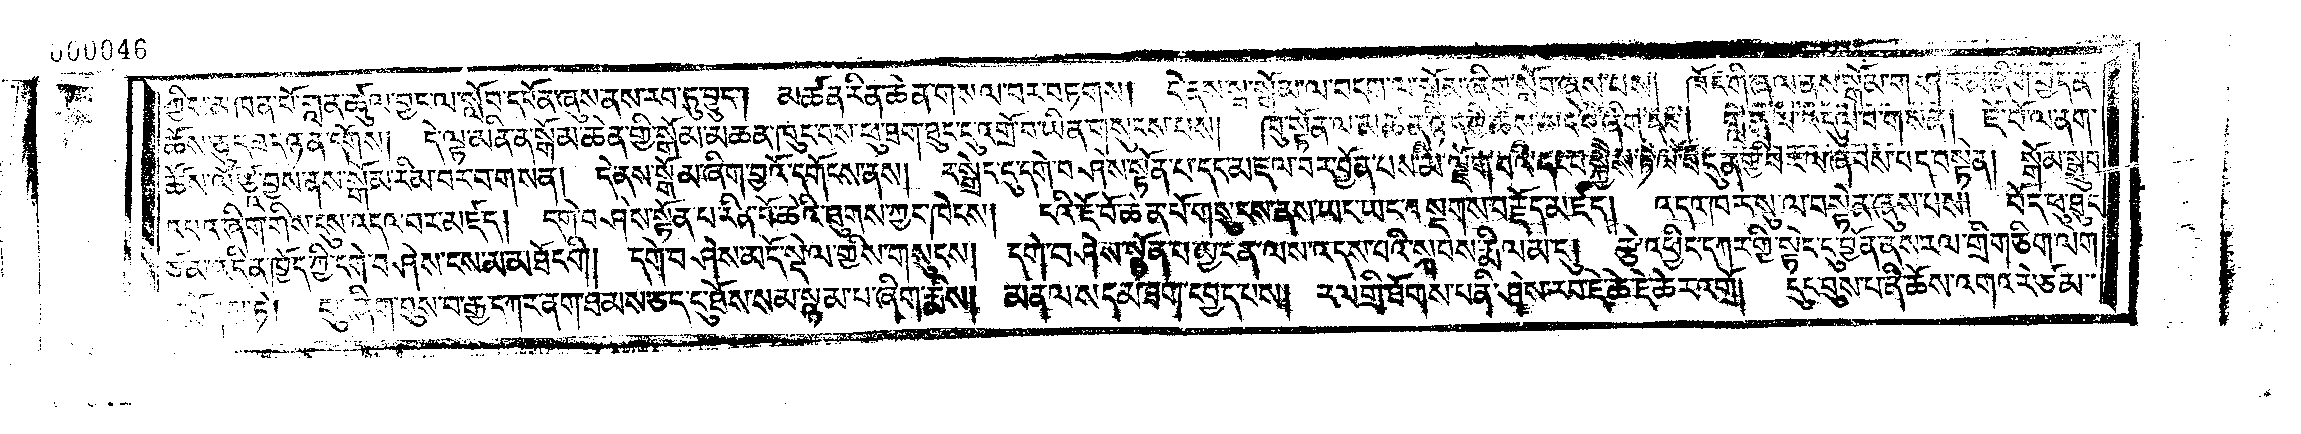ཀྱིས་མཁན་པོ་གླན་ཚུལ་བྱང་ལ་སློབ་དཔོན་ཞུས་ནས་རབ་ཏུ་བྱུང་། མཚན་རིན་ཆེན་གསལ་བར་བཏགས། དེ་ནས་སྦ་སྒོམ་ལ་བདག་ལ་སྒོམ་ཞིག་སློབ་ཞུས་པས། ཁོང་གི་ཞལ་ནས་སྒོམ་གཤའ་མ་ཞིག་བྱེད་ན་
ཆོས་ཅུང་ཟད་ཉན་དགོས། དེ་ལྟ་མིན་ན་སྒོམ་ཆེན་གྱི་སྒོམ་མཆན་ཁུང་བས་ཕུ་ཐག་ཐུང་དུ་འགྲོ་བ་ཡིན་གསུངས་པས། ཁུ་སྟོན་ལ་མཚན་ཉིད་ཀྱི་ཆོས་མང་པོ་ཞིག་དང་། གླན་ལ་འདུལ་བ་གསན། ཇོ་བོ་ལ་ནག་
ཚོས་ལོ་ཙཱ་བྱས་ནས་སྒོམ་རིམ་བར་བ་གསན། དེ་ནས་སྒོམ་ཞིག་བྱའོ་དགོངས་ནས། ར་སྒྲེང་དུ་དགེ་བཤེས་སྟོན་པ་དང་མཇལ་བར་བྱོན་པས་མི་ལྡོག་པའི་དང་བསྐྱེས་ཏེ་ལོ་བདུན་གྱི་བར་ལ་ཞབས་པད་བསྟེན། སྒོམ་སྒྲུབ་
འབའ་ཞིག་གིས་དུས་འདའ་བར་མཛད། དགེ་བཤེས་སྟོན་པ་རིན་པོ་ཆེའི་ཐུགས་ཀྱང་ཁེངས། ངའི་ཇོ་བོ་ཆེན་པོ་གསུངས་ནས་ཡང་ཡང་བསྔགས་བརྗོད་མཛད། འདའ་ཁར་སུ་ལ་བསྟེན་ཞུས་པས། བོད་ཕུ་ཐུང་
ཙམ་འདི་ན་ཁྱོད་ཀྱི་དགེ་བཤེས་ངས་མ་མཐོད་གི། དགེ་བཤེས་མདོ་སྡེ་ལ་གྱིས་གསུངས། དགེ་བཤེས་སྟོན་པ་མྱ་ངན་ལས་འདས་པའི་སྐབས་རྨི་ལམ་དུ། རྩེ་འཕྱིང་དཀར་གྱི་སྟེང་དུ་བྱོན་ནས་རལ་གྲི་གཅིག་ལེག་
ཏུ་ཐོགས་ཏེ། དུང་ཞིག་བུས་པ་རྒྱ་དཀར་ནག་ཐམས་ཅད་དུ་ཐོས་སམ་སྙམ་པ་ཞིག་རྨིས། མནལ་སད་མ་ཐག་དཔྱད་པས། རལ་གྲི་ཐོགས་པ་ནི་ཤེས་རབ་ཇེ་ཆེ་ཇེ་ཆེར་འགྲོ། དུང་བུས་པ་ནི་ཆོས་འགའ་དེ་ཙམ་